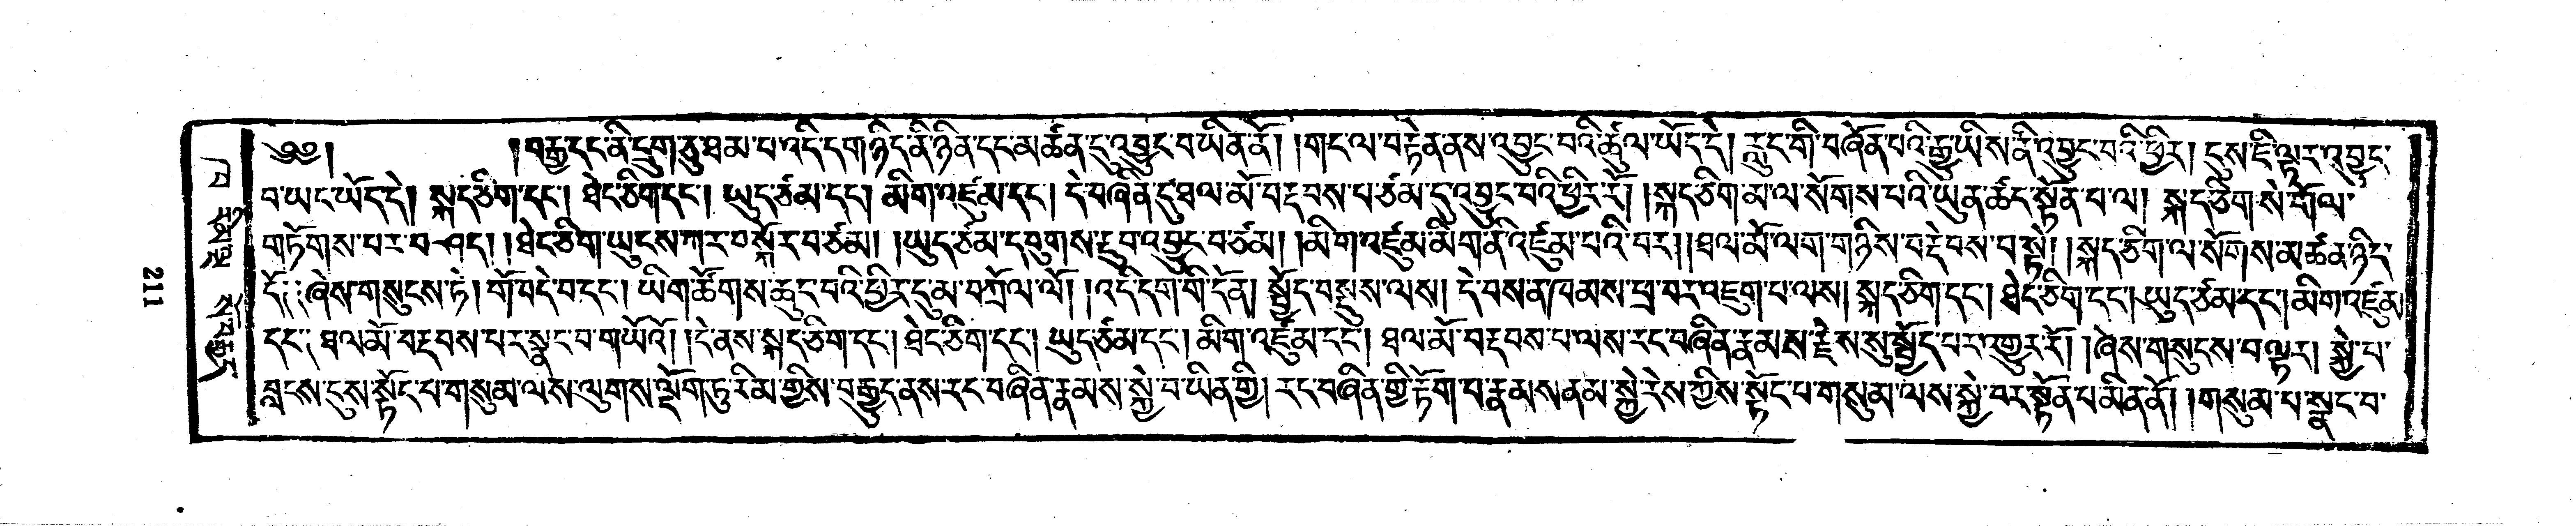༄༅། །བརྒྱ་དང་ནི་དྲུག་ཅུ་ཐམ་པ་འདི་དག་ཉིད་ནི་ཉིན་དང་མཚན་དུ་འབྱུང་བ་ཡིན་ནོ། །གང་ལ་བརྟེན་ནས་འབྱུང་བའི་ཚུལ་ཡོད་དེ། རླུང་གི་བཞོན་པའི་རྒྱུ་ཡིས་ནི་འབྱུང་བའི་ཕྱིར། དུས་ཇི་ལྟར་འབྱུང་
བ་ཡང་ཡོད་དེ། སྐད་ཅིག་དང་། ཐེང་ཅིག་དང་། ཡུད་ཙམ་དང་། མིག་འཛུམ་དང་། དེ་བཞིན་དུ་ཐལ་མོ་བརྡབས་པ་ཙམ་དུ་འབྱུང་བའི་ཕྱིར་རོ། །སྐད་ཅིག་མ་ལ་སོགས་པའི་ཡུན་ཚད་སྟོན་པ་ལ། སྐད་ཅིག་སེ་གོལ་
གཏོགས་པར་བཤད། །ཐེང་ཅིག་ཡུངས་ཀར་བསྐོར་བ་ཙམ། །ཡུད་ཙམ་དབུགས་རྡུབ་འབྱུང་བ་ཙམ། །མིག་འཛུམ་མིག་ནི་འཛུམ་པའི་བར། །ཐལ་མོ་ལག་གཉིས་བརྡེབས་པ་སྟེ། །སྐད་ཅིག་ལ་སོགས་མཚན་ཉིད་
དོ། །ཞེས་གསུངས་ཏེ། །གོ་བདེ་བ་དང་། ཡིག་ཚོགས་ཆུང་བའི་ཕྱིར་དུ་མ་བཀྲོལ་ལོ། །འདི་དག་གི་དོན། སྤྱོད་བསྡུས་ལས། དེ་བས་ན་ཁམས་ཕྲ་བར་འཇུག་པ་ལས། སྐད་ཅིག་དང་། ཐེང་ཅིག་དང་། ཡུད་ཙམ་དང་། མིག་འཛུམ་
དང༑ ཐལ་མོ་བརྡབས་པར་སྣང་བ་གཡོའོ། །དེ་ནས་སྐད་ཅིག་དང་། ཐང་ཅིག་དང་། ཡུད་ཙམ་དང་། །མིག་འཛུམ་དང་། ཐལ་མོ་བརྡབས་པ་ལས་རང་བཞིན་རྣམས་རྗེས་སུ་སྤྱོད་པར་འགྱུར་རོ། །ཞེས་གསུངས་པ་ལྟར། སྐྱེ་བ་
བླངས་དུས་སྟོང་པ་གསུམ་ལས་ལུགས་ལྡོག་ཏུ་རིམ་གྱིས་བརྒྱུད་ནས་རང་བཞིན་རྣམས་སྐྱེ་བ་ཡིན་གྱི། རང་བཞིན་གྱི་རྟོག་པ་རྣམས་ནམ་སྐྱེ་རེས་ཀྱིས་སྟོང་པ་གསུམ་ལས་སྐྱེ་བར་སྟོན་པ་མིན་ནོ། །གསུམ་པ་སྣང་བ་